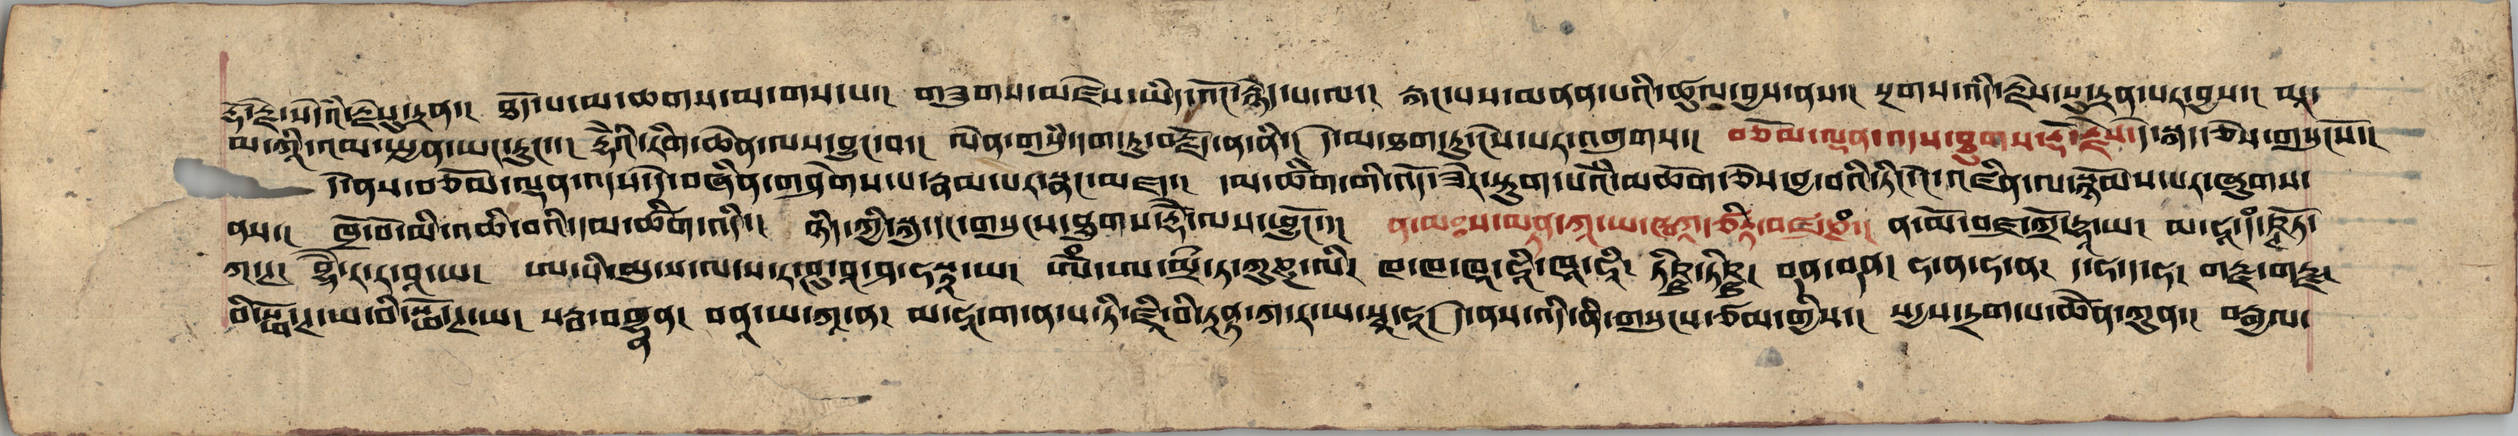རྡོ་རྗེ་སེདཾའ་རྗེསུ་དྲན་། ཐོད་པ་མ་ཆགས་མ་གས་པ་། གཟུགས་མཛེས་ཡིད་འོང་རྙེད་པ་ལ་། རྐང་པས་མནན་པའི་ཚུལ་བྱས་ནས་། སྔགས་འདི་རྗེས་སུ་དྲན་པར་བྱས་། མཱ་
མ་ཀཱི་འམ་སྤྱན་ཡང་རུང་་། རྡོེའི་རིག་ཆེན་ལས་བྱུང་བ་། ལེན་གསུཾ་དག་ཏུ་བརྗོད་ན་ནི་། དེ་མ་ཐག་ཏུ་ངེས་པར་འགུགས་། བཅོམ་ལྡན་འདས་ཐུགས་རྡོ་རྗེས་དེ་སྐད་ཅེས་གསུངསོ་།
དེ་ནས་བཅོམ་ལྡན་འདས་དེ་བཞིན་གཤེགས་པ་རྣམ་པར་སྣང་མཛད་། དམ་ཚིག་གི་འོད་ཟེར་སྟུག་པོའི་མཆོག་ཅེས་བྱ་བའི་ཏིང་ངེ་འཛིན་ལ་སྙོམས་པར་ཞུགས་
ནས་། ཁྲོ་བོ་མི་འཆི་བའི་དམ་ཚིག་འདི་། ཉིད་ཀྱི་སྐུ་དང་གསུངས་ཐུགས་རྡོེ་ལས་ཕྱུངོ་་། ན་མཿས་མནྟ་ཀཱ་ཡ་ཝཀཱ་ཙིཏྟ་བཛྲ་ཎཾ་། ན་མོ་བཛྲ་ཀྲོ་དྷ་ཱ་ཡ་ མ་ཧཱ་དཾ་ཥྚོཏ་
ཀ་ཊ། བྷཻ་ར་ར་བཱ་ཡ། ཨ་པི་མུ་ས་ལ་ས་ར་ཤུ་བཱ་ཤ་ཧསྟཱ་ཡ། ཨོཾ་ཨ་མྲི་ཏ་ཀུཎྜ་ལི། ཁ་ཁ་ཁཱ་ཧཱི་ཁཱ་ཧཱི། ཏིཥྛ་ཏིཥྛ། བྡན་བྡན། ཧ་ན་ཧ་ན། ད་ཧ་ད་ཧ། གརྫ་གརྫ།
བི་སྥོ་ཊ་ཡ་བི་སྤོ་ཊ་ཡ། སརྦ་བགྷན། བནཱ་ཡ་ཀཱ་ན། མ་ཧཱ་ག་ན་པ་ཏི་ཛཱི་བི་ཏཱནྟ་ཀ་ར་ཡ་སྭ་ཧཱ། དེ་ནས་འདི་ནི་གསུངས་ཙམ་གྱིས་། སདྱས་དྲག་པ་ཆེནོ་ཀུན་། བརྒྱལ་